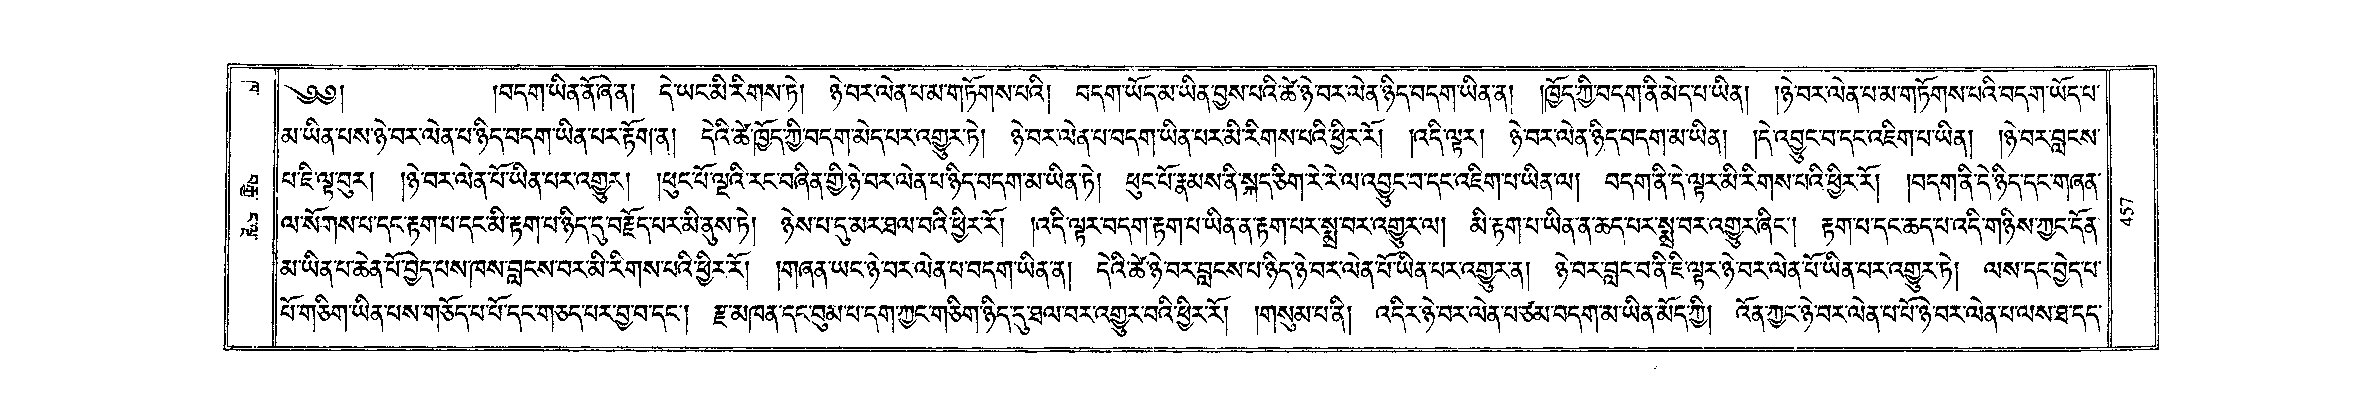༄༅། །བདག་ཡིན་ནོ་ཞེ་ན། དེ་ཡང་མི་རིགས་ཏེ། ཉེ་བར་ལེན་པ་མ་གཏོགས་པའི། བདག་ཡོད་མ་ཡིན་བྱས་པའི་ཚེ་ཉེ་བར་ལེན་ཉིད་བདག་ཡིན་ན། །ཁྱོད་ཀྱི་བདག་ནི་མེད་པ་ཡིན། །ཉེ་བར་ལེན་པ་མ་གཏོགས་པའི་བདག་ཡོད་པ་
མ་ཡིན་པས་ཉེ་བར་ལེན་པ་ཉིད་བདག་ཡིན་པར་རྟོག་ན། དེའི་ཚེ་ཁྱོད་ཀྱི་བདག་མེད་པར་འགྱུར་ཏེ། ཉེ་བར་ལེན་པ་བདག་ཡིན་པར་མི་རིགས་པའི་ཕྱིར་རོ། །འདི་ལྟར། ཉེ་བར་ལེན་ཉིད་བདག་མ་ཡིན། །དེ་འབྱུང་བ་དང་འཇིག་པ་ཡིན། །ཉེ་བར་བླངས་
པ་ཇི་ལྟ་བུར། །ཉེ་བར་ལེན་པོ་ཡིན་པར་འགྱུར། །ཕུང་པོ་ལྔའི་རང་བཞིན་གྱི་ཉེ་བར་ལེན་པ་ཉིད་བདག་མ་ཡིན་ཏེ། ཕུང་པོ་རྣམས་ནི་སྐད་ཅིག་རེ་རེ་ལ་འབྱུང་བ་དང་འཇིག་པ་ཡིན་ལ། བདག་ནི་དེ་ལྟར་མི་རིགས་པའི་ཕྱིར་རོ། །བདག་ནི་དེ་ཉིད་དང་གཞན་
ལ་སོགས་པ་དང་རྟག་པ་དང་མི་རྟག་པ་ཉིད་དུ་བརྗོད་པར་མི་ནུས་ཏེ། ཉེས་པ་དུ་མར་ཐལ་བའི་ཕྱིར་རོ། །འདི་ལྟར་བདག་རྟག་པ་ཡིན་ན་རྟག་པར་སྨྲ་བར་འགྱུར་ལ། མི་རྟག་པ་ཡིན་ན་ཆད་པར་སྨྲ་བར་འགྱུར་ཞིང་། རྟག་པ་དང་ཆད་པ་འདི་གཉིས་ཀྱང་དོན་
མ་ཡིན་པ་ཆེན་པོ་བྱེད་པས་ཁས་བླངས་བར་མི་རིགས་པའི་ཕྱིར་རོ། །གཞན་ཡང་ཉེ་བར་ལེན་པ་བདག་ཡིན་ན། དེའི་ཚེ་ཉེ་བར་བླངས་པ་ཉིད་ཉེ་བར་ལེན་པོ་ཡིན་པར་འགྱུར་ན། ཉེ་བར་བླང་བ་ནི་ཇི་ལྟར་ཉེ་བར་ལེན་པོ་ཡིན་པར་འགྱུར་ཏེ། ལས་དང་བྱེད་པ་
པོ་གཅིག་ཡིན་པས་གཅོད་པ་པོ་དང་གཅད་པར་བྱ་བ་དང་། རྫ་མཁན་དང་བུམ་པ་དག་ཀྱང་གཅིག་ཉིད་དུ་ཐལ་བར་འགྱུར་བའི་ཕྱིར་རོ། །གསུམ་པ་ནི། འདིར་ཉེ་བར་ལེན་པ་ཙམ་བདག་མ་ཡིན་མོད་ཀྱི། འོན་ཀྱང་ཉེ་བར་ལེན་པ་པོ་ཉེ་བར་ལེན་པ་ལས་ཐ་དད་